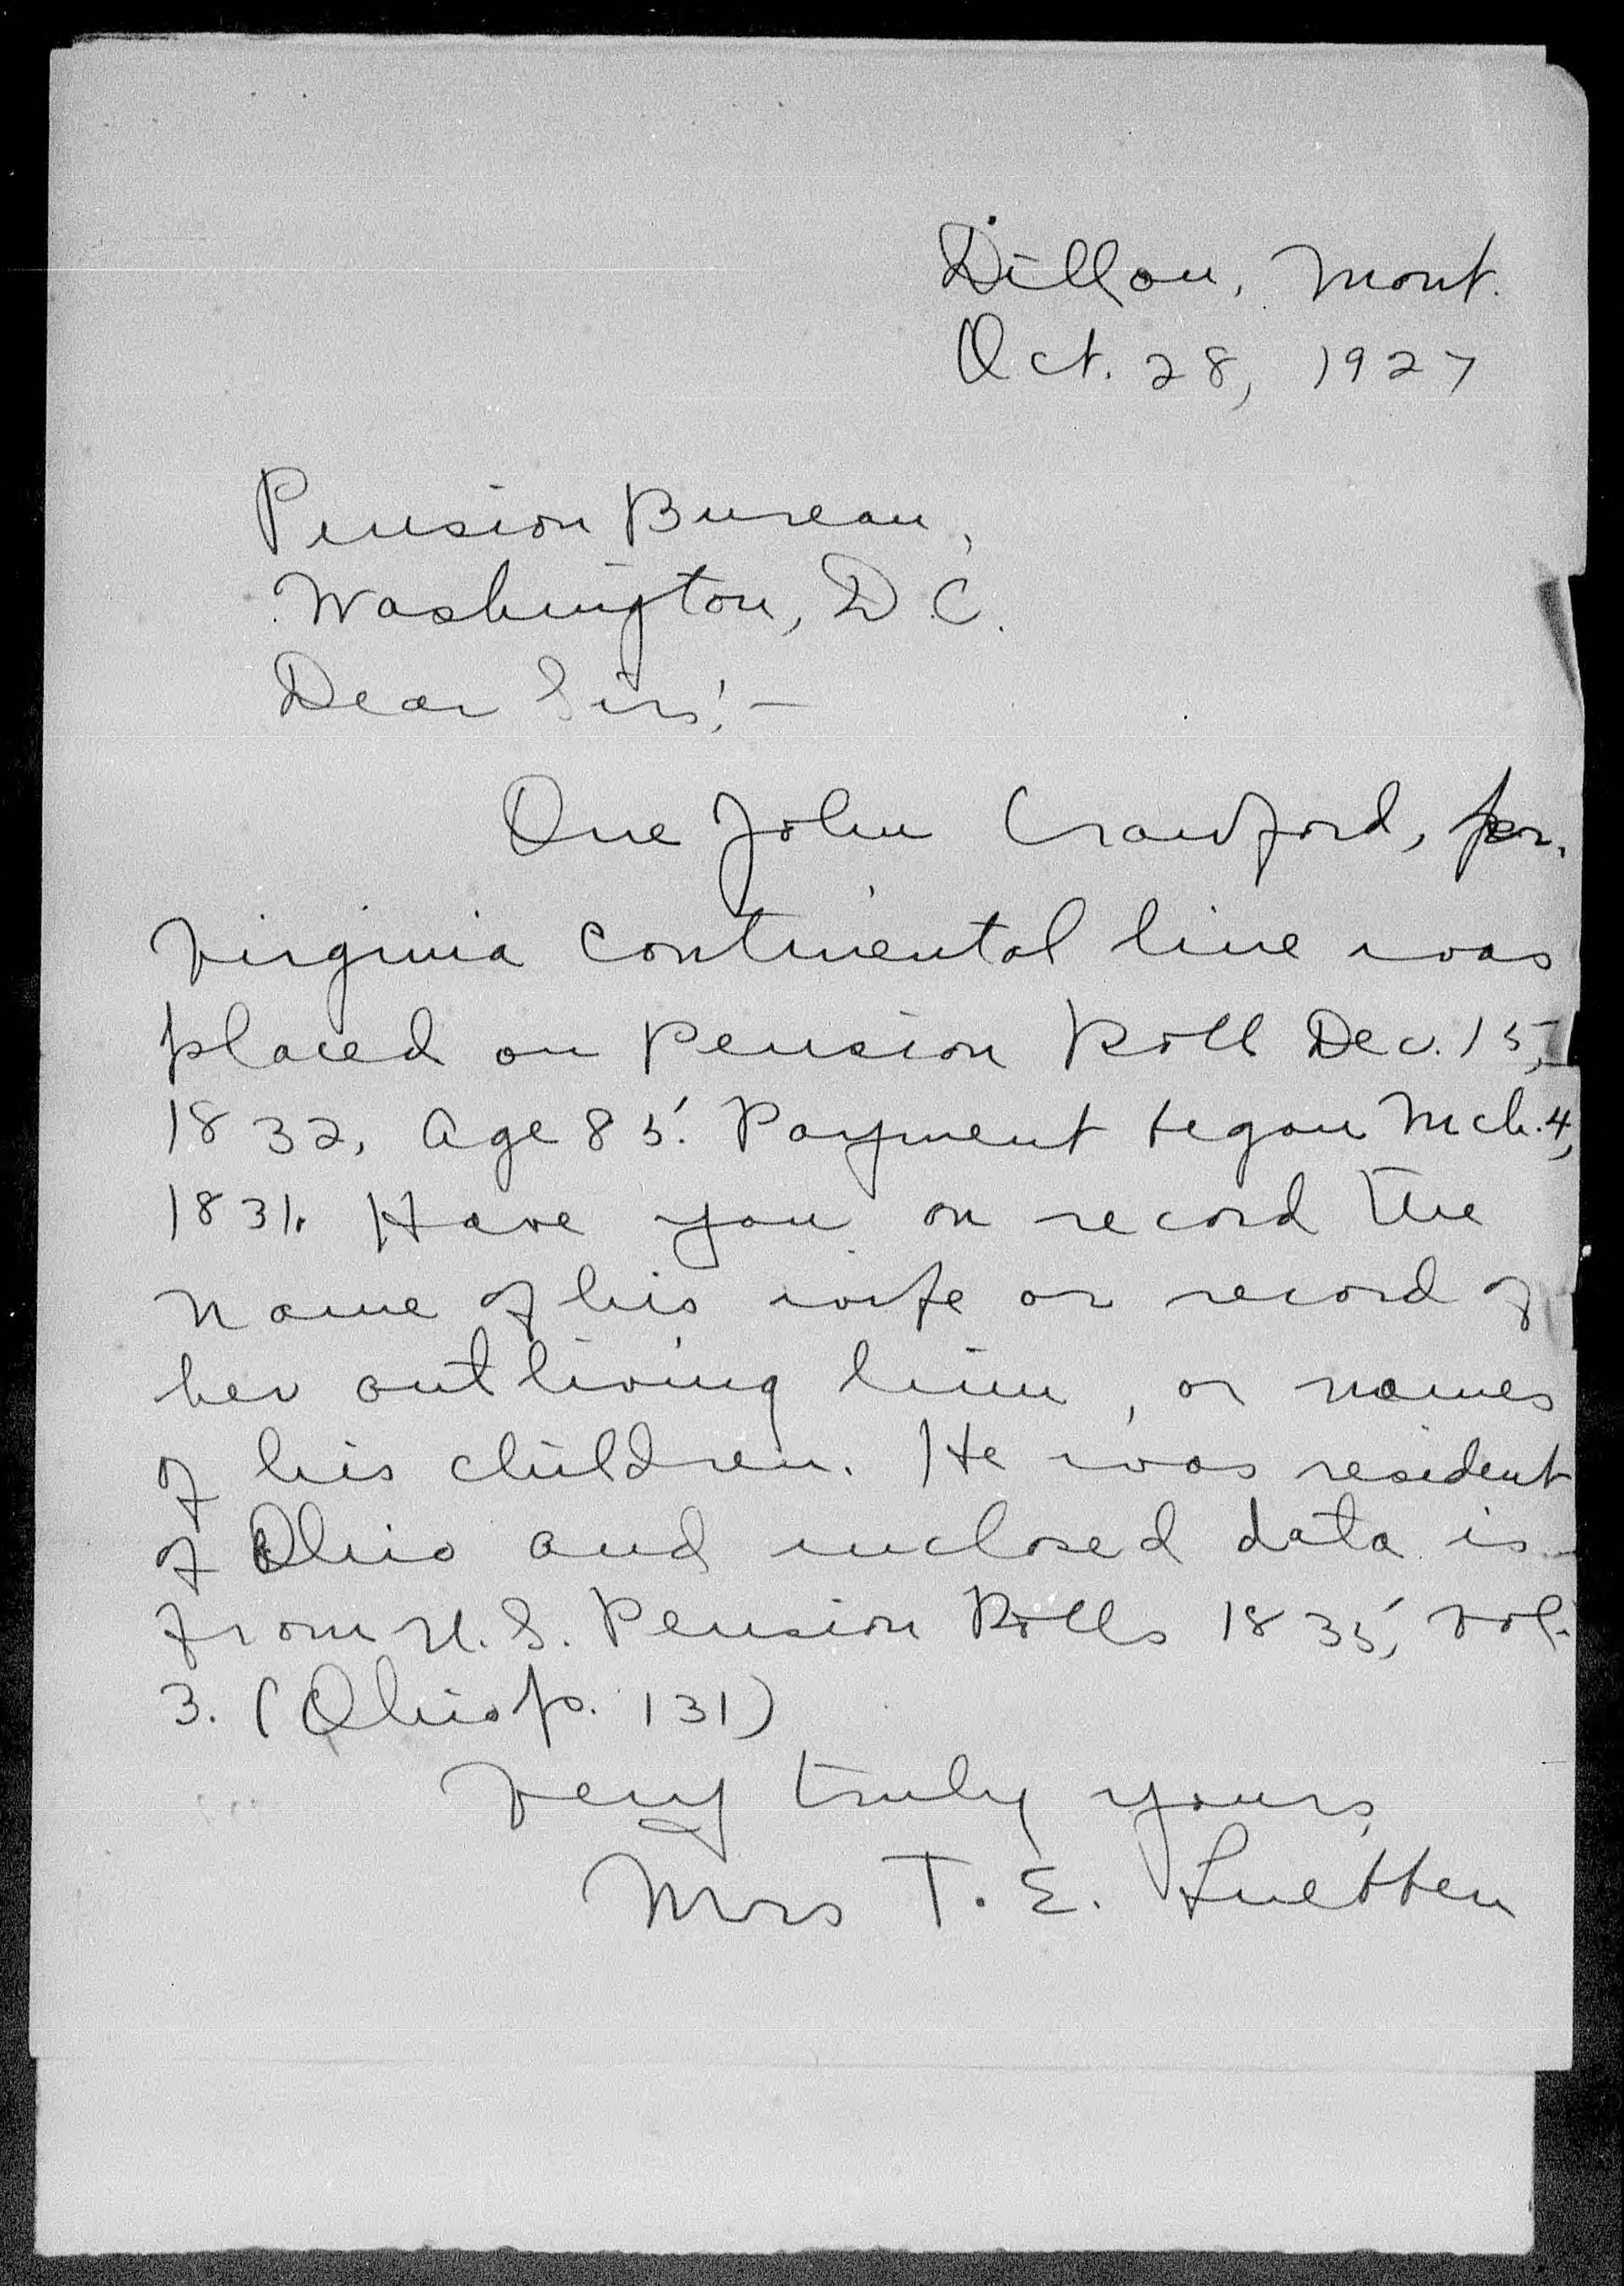Dillon, Mont
Oct 28, 1927Oct. 28, 1927
Pension Bureau
Washington, DC

Dear Sir
One John Crawford, Jr. Virginia continental line was placed on Pension Roll Dec. 13, 1832, Age 85, Payment began Mch 4, 1831. Have you on record the name of his wife or record of her out living him, or names of his children. He was resident of Ohio and enclosed data from U.S. Pension Rolls 1835 Vol. 3. Ohio Jo. 131)
very truly yours
Mrs T.E. Luebben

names: T E Luebben, John Crawford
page: 68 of 80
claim: widow's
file: W 2070, John Crawford, Penn.